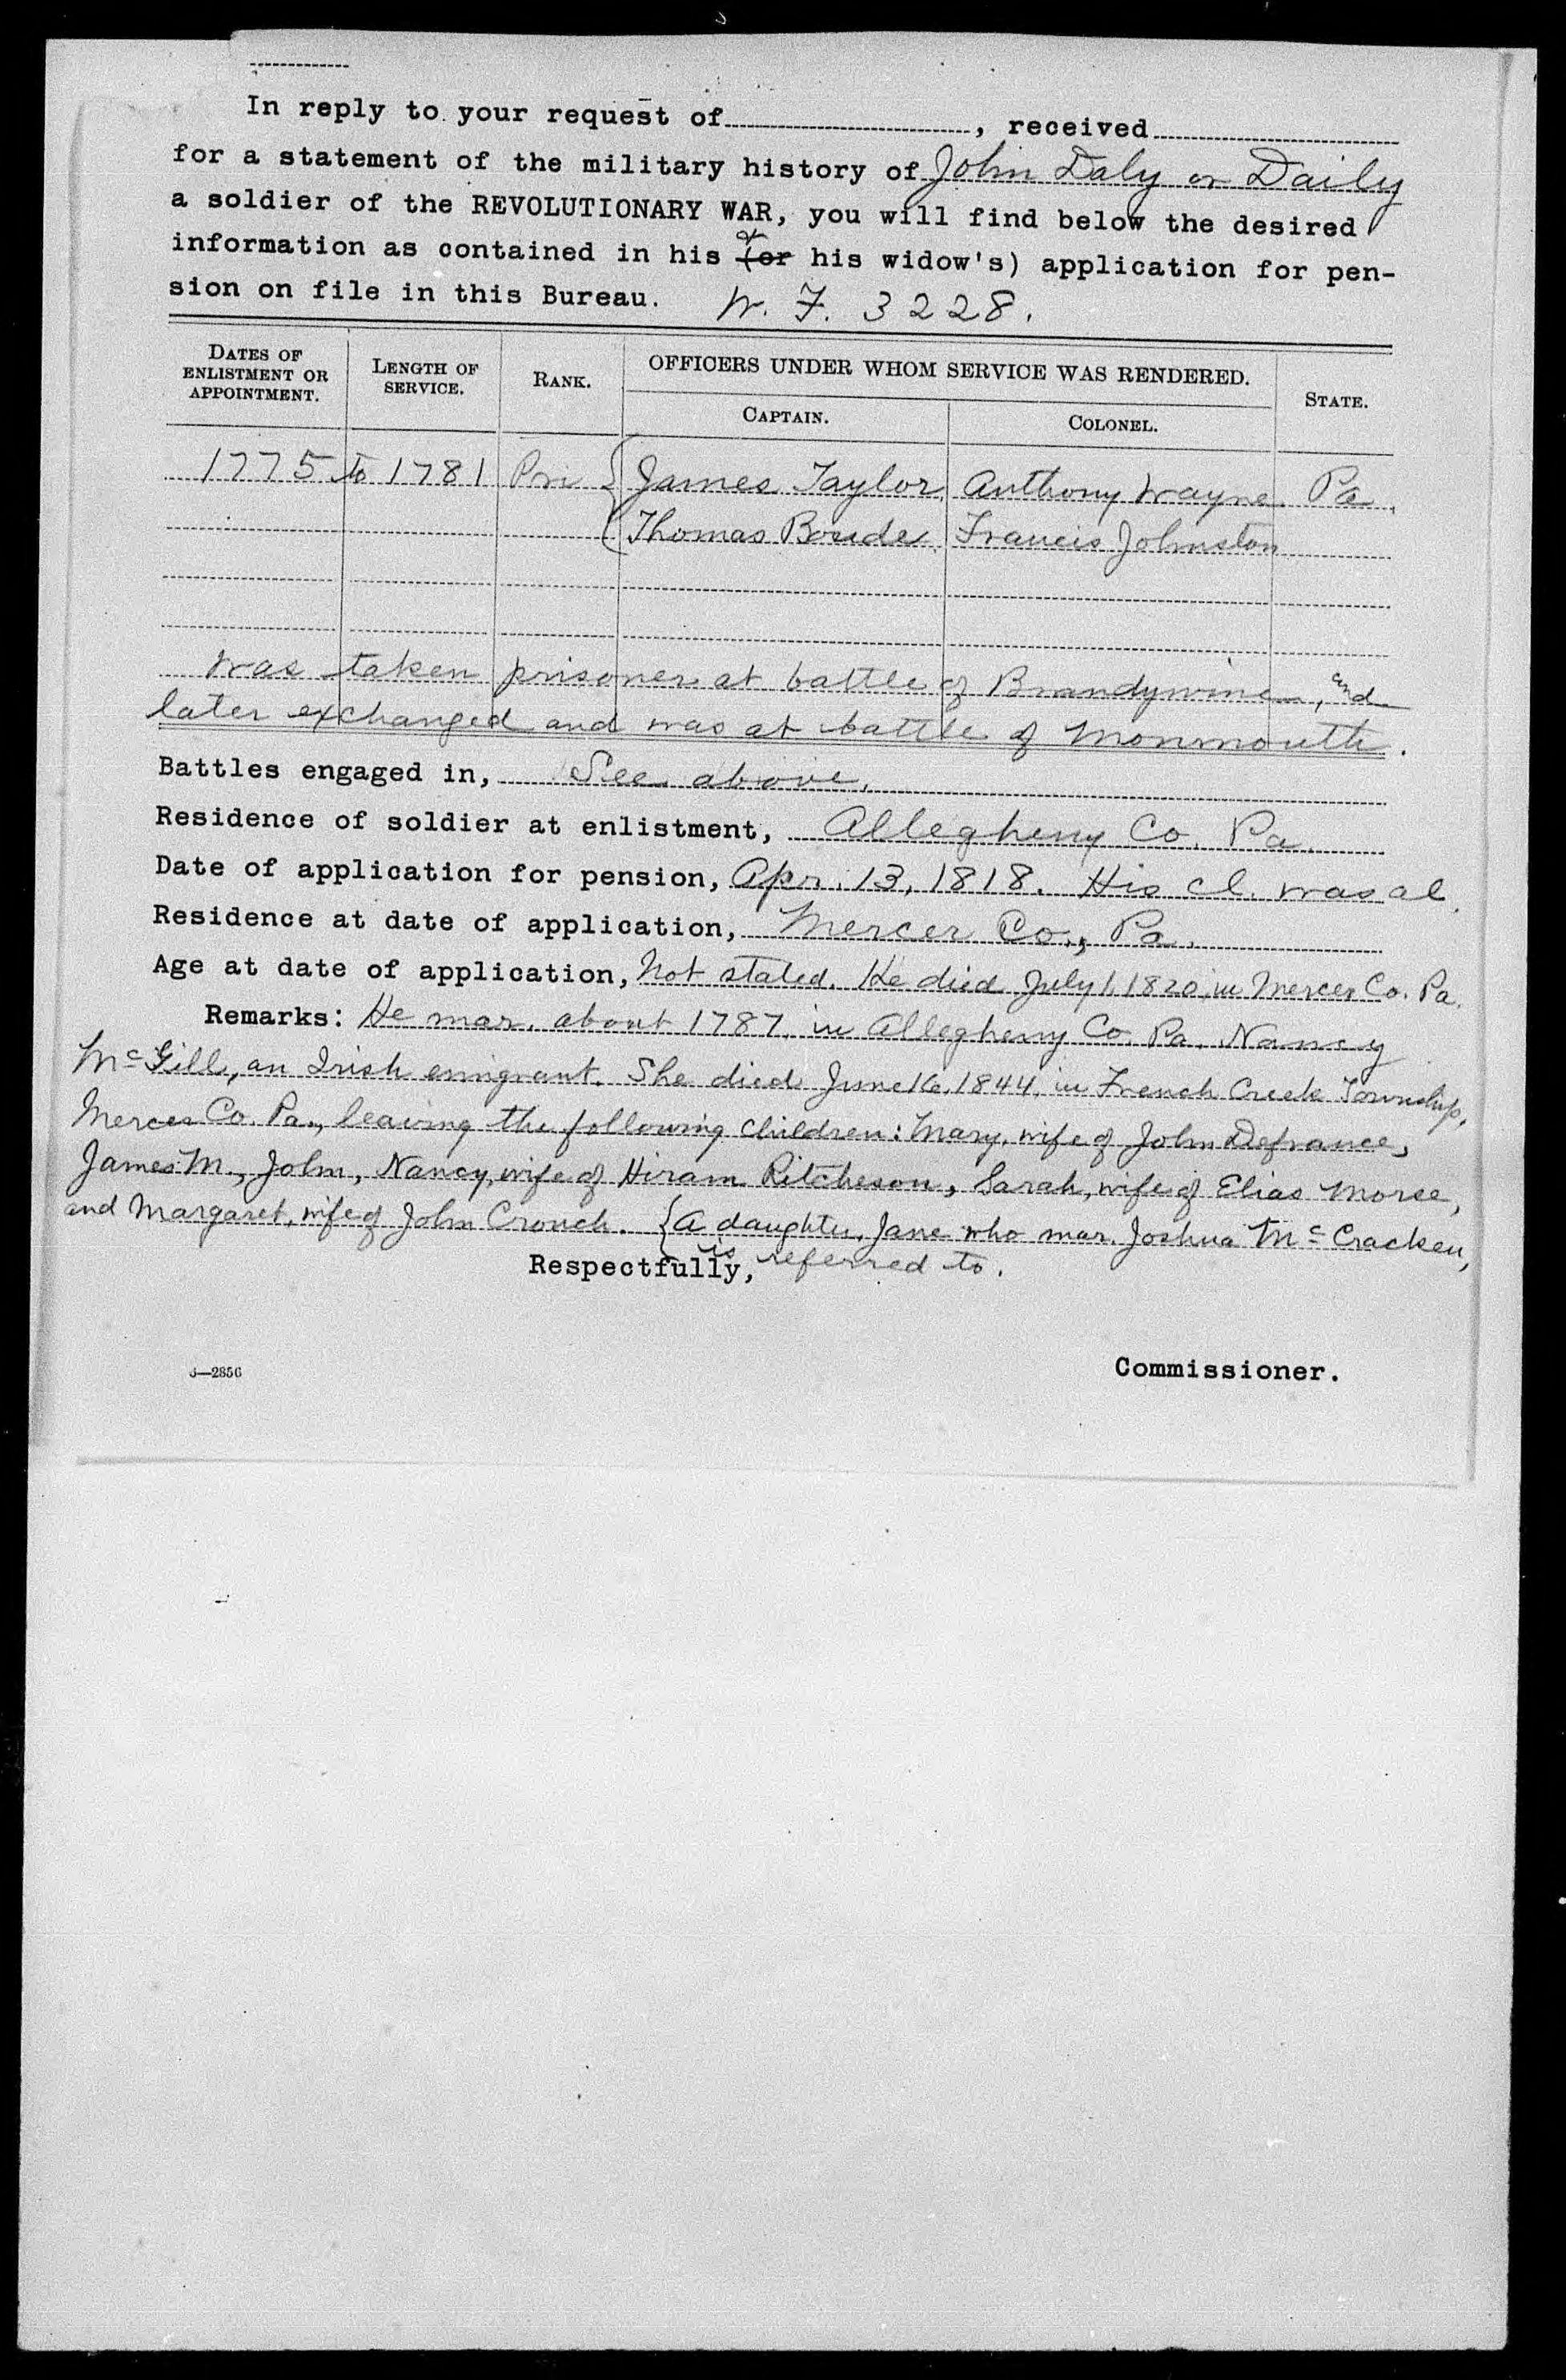In reply to your request of [blank], received [blank] for a statement of the military history of John Daly or Daily a soldier of the REVOLUTIONARY WAR, you will find below the desired information as contained in his application for pension on file in this Bureau. W. F. 3228.
-
DATES OF ENLISTMENT OR APPOINTMENT.
1775 to 1781

LENGTH OF SERVICE.
[1775 to 1781]

RANK.
Pri

OFFICERS UNDER WHOM SERVICE WAS RENDERED.
CAPTAIN.
James Taylor
Thomas Boude
COLONEL.
Anthony Wayne
Francis Johnston

STATE.
Pa.

was taken prisoner at battle of Brandywine, and later exchanged and was at battle of Monmouth.
-
Battles engaged in, See above.
Residence of soldier at enlistment, Allegheny Co, Pa.
Date of application for pension, Apr. 13, 1818. His cl. was al.
Residence at date of application, Mercer Co., Pa.
Age at date of application, Not stated. He died July 1, 1820 in Mercer Co. Pa.
Remarks: He mar. about 1787 in Allegheny Co. Pa. Nancy McGill, an Irish emigrant. She died June 16, 1844 in French Creek Township, Mercer Co. Pa., leaving the following children: Mary, wife of John Defrance, James M., John, Nancy, wife of Hiram Ritcheson, Sarah, wife of Elias Morse, and Margaret, wife of John Crouch. {A daughter, Jane who mar. Joshua McCracken, is referred to.
Respectfully,

Commissioner.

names: Joshua Mc Cracken, Anthony Wayne, John Defrance, Margaret, James M, Jane, John Crouch, John Daily, Francis Johnston, John, Thomas Boude, Hiram Ritcheson, John Daly, Sarah, Mary, James Taylor, Nancy, Elias Morse, Nancy Mc Gill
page: 59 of 63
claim: widow's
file: W. 3228, John Daly, Penn.